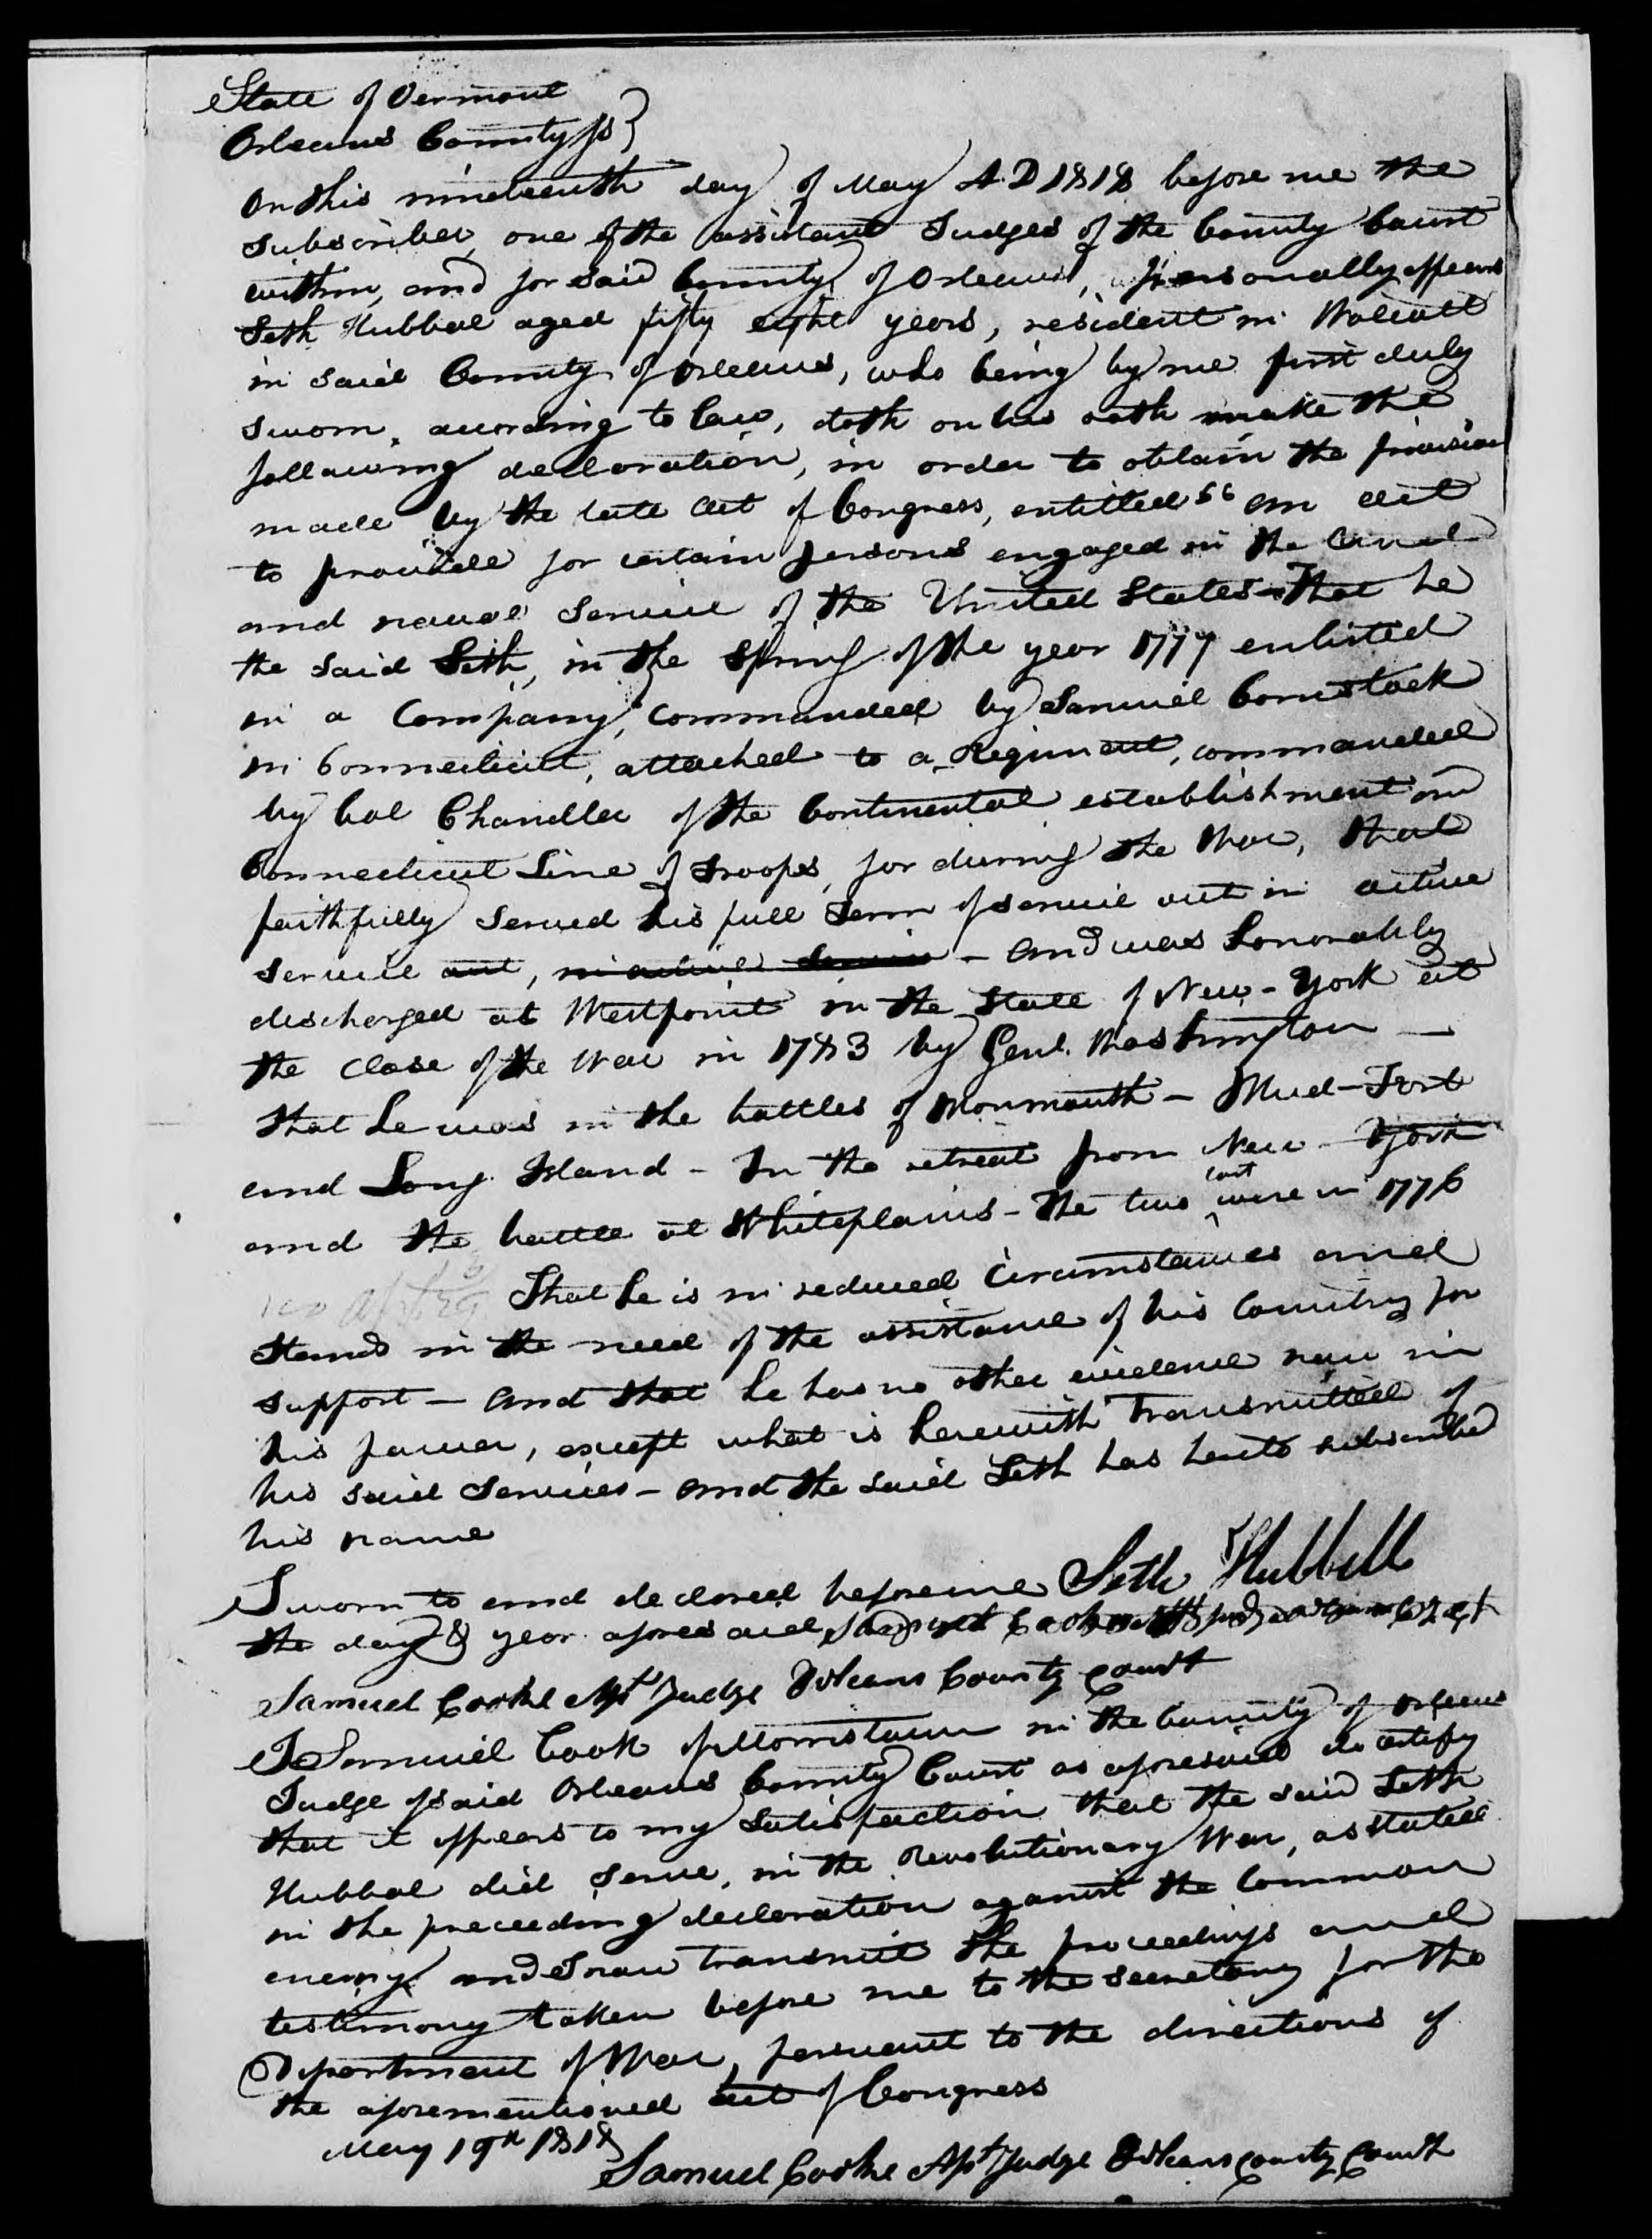State of Vermont
Orleans County js
On this nineteenth day of May A.D. 1818 before me the subscriber one of the assistant judges of the County Court within and for said County of Orleans, personally appears Seth Hubbel aged fifty eight years, resident in Wolcott in said County of Orleans, who being by me first duly sworn, according to law, doth on his oath make the following declaration, in order to obtain the provision made by the late act of Congress, entitled "an act to provide for certain persons engaged in the civil and naval service of the United States -- that he the said Seth, in the spring of the year 1777 enlisted in a Company, commanded by Samuel Comstock in Connecticutt [sp], attached to a regiment commanded by Col Chandler of the Continental establishment and Connecticut Line of troops, for during the War, that faithfully served his full term of service within active service [words crossed out] and was honorably discharged at Westpoint in the State of New York at the close of the War in 1783 by Genl. Washington - that he was in the battles of Monmouth - Mud-Fort and Long Island - In the retreat from New York and the battle of Whiteplains - the two last were in 1776
      That he is in reduced circumstances and stands in the need of the assistance of his Country for support -- and that he has no other evidence now in his favor, except what is herewith transmitted of his said services - and the said Seth has hereto subscribed his name

Sworn to and declared before me Seth Hubbell the day and year aforesaid [several words unclear] Samuel Cooke Asst Judge Orleans County Court 
I Samuel Cook of Morristown in the County of Orleans Judge of said Orleans County Court as aforesaid do certify that it appears to my satisfaction that the said Seth Hubbel did serve in the Revolutionary War, as stated in the preceeding [sp] declaration against the Common enemy and I now transmit the proceedings and testimony taken before me to the Secretary for the Department of War, pursuant to the directions of the aforementioned act act of Congress
May 19th 1818 Samuel Cooke Asst Judge Orleans County Court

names: Washington, Chandler, Samuel Cook, Samuel Comstock, Seth Hubbell, Samuel Cooke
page: 10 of 114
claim: widow's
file: W. 2115, Seth Hubbell, Conn.